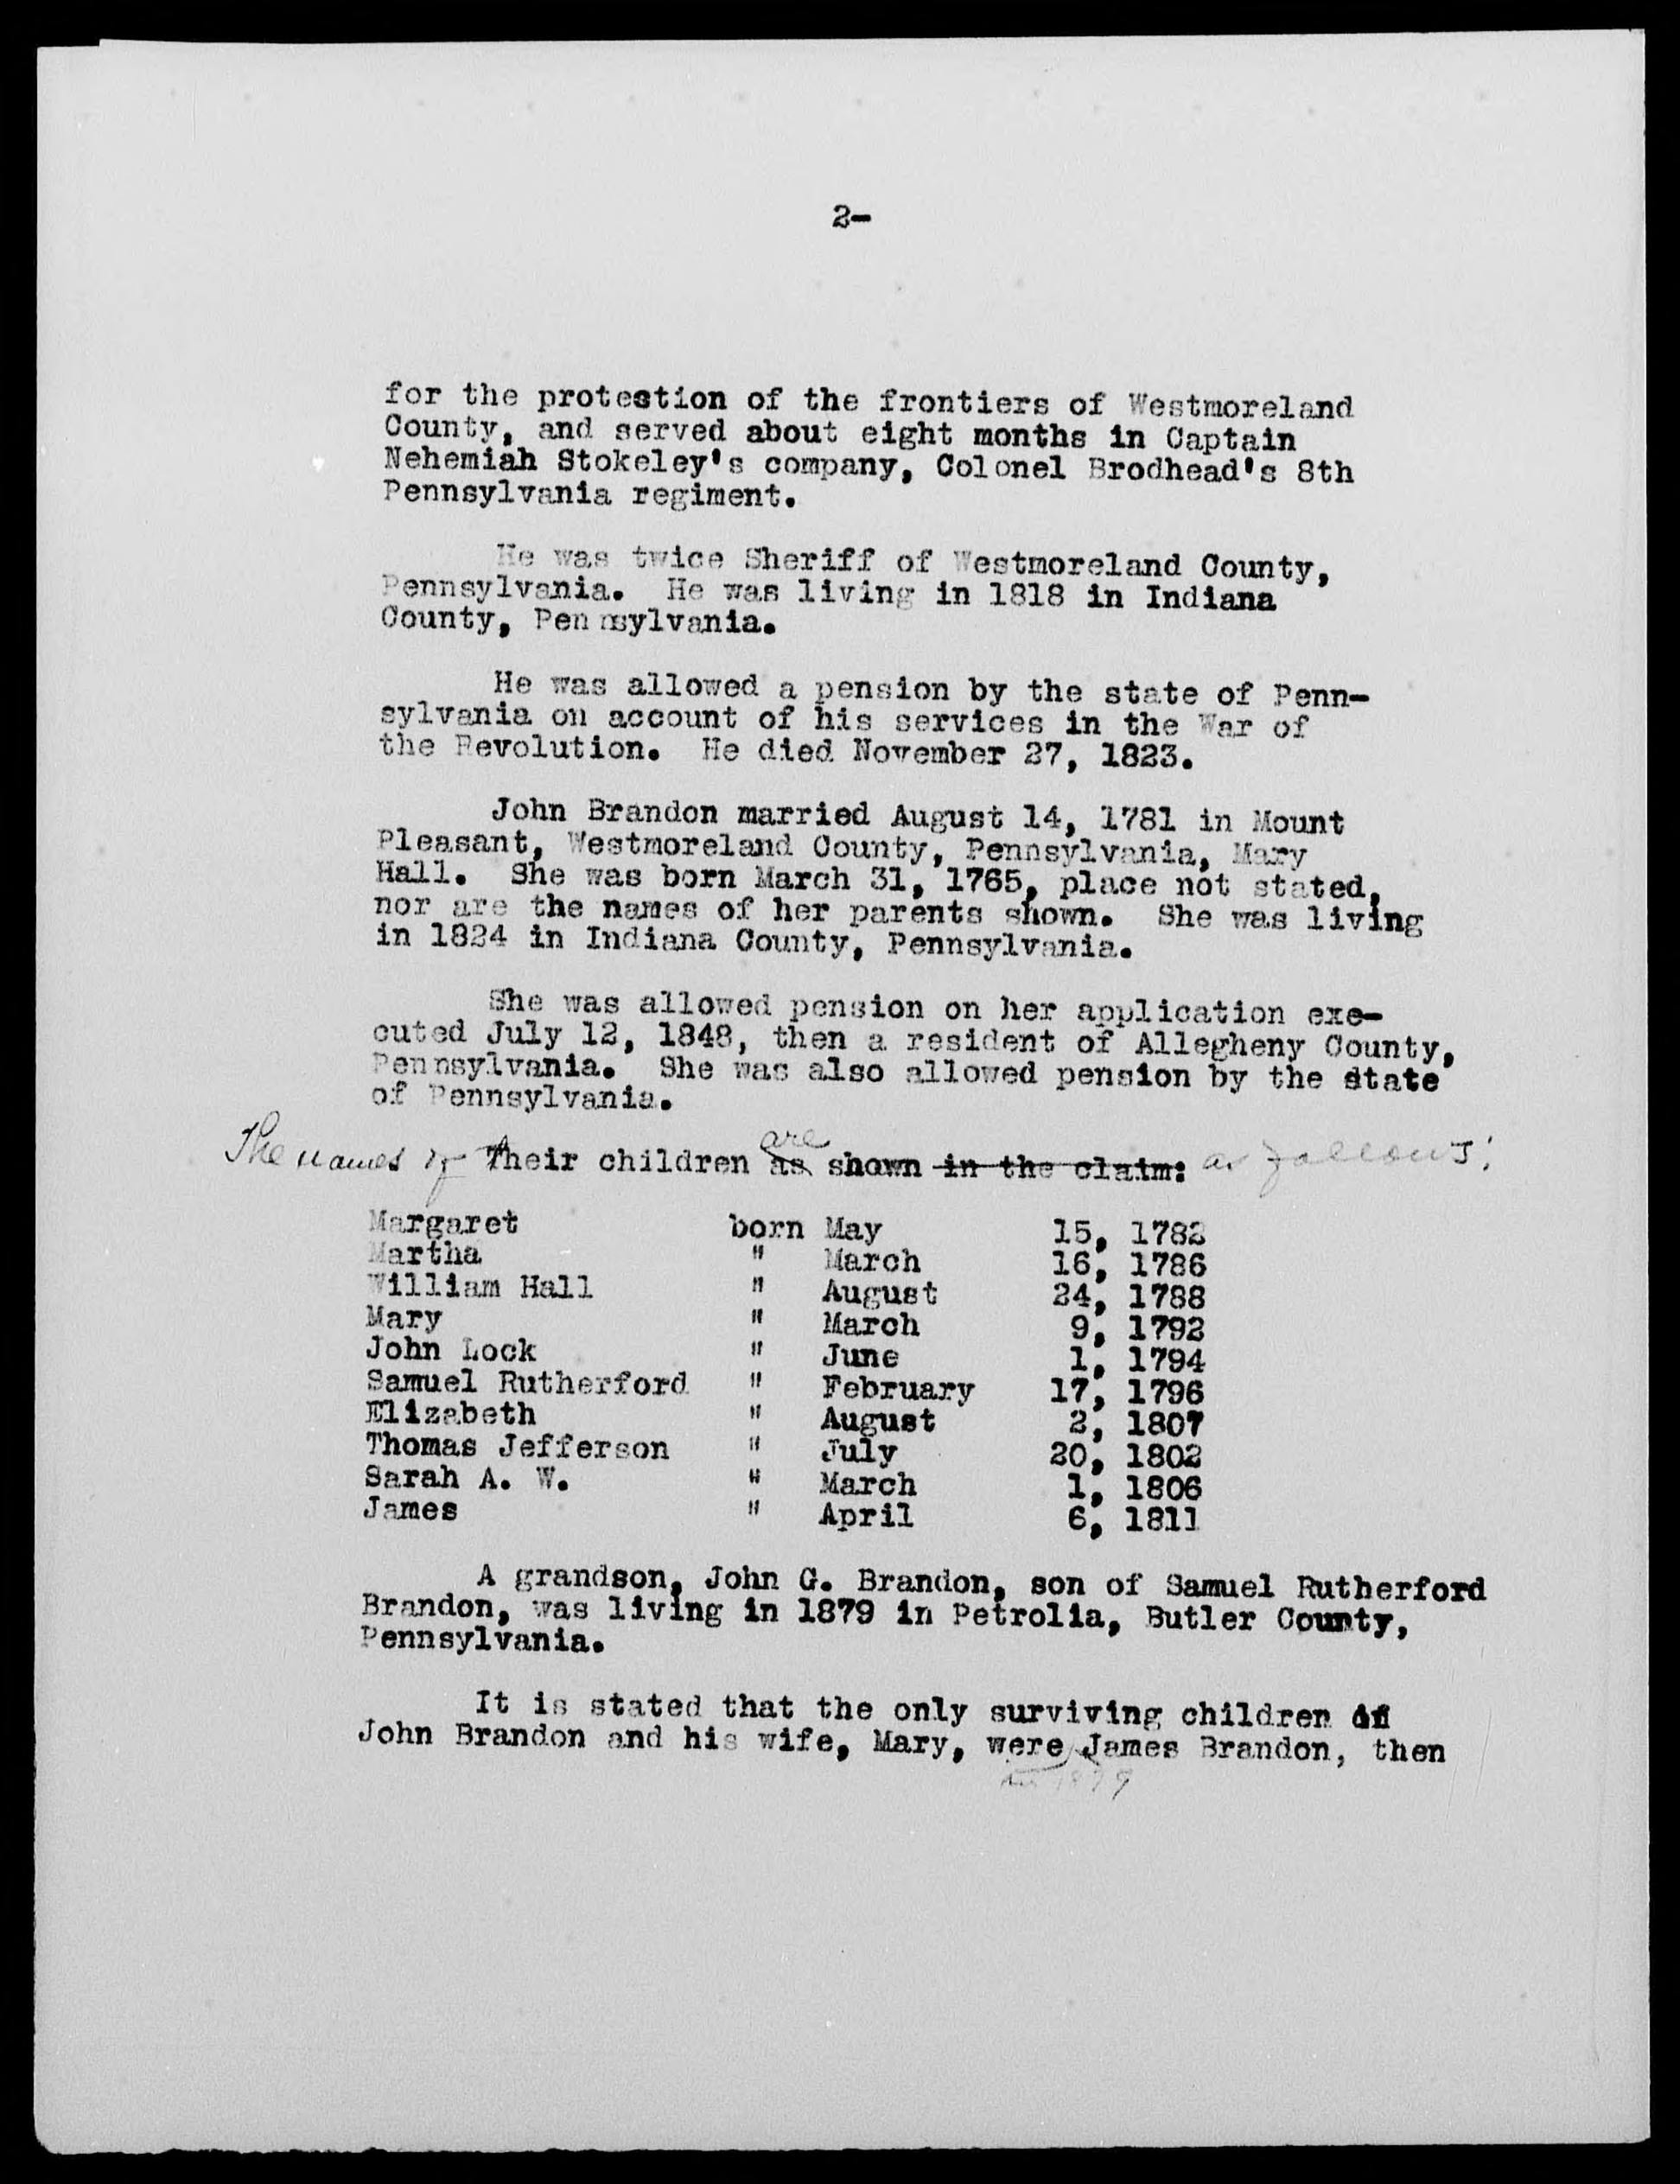2-

for the protection of the frontiers of Westmoreland County, and served about eight months in Captain Nehemiah Stokeley's company, Colonel Brodhead's 8th Pennsylvania regiment.

He was twice Sheriff of Westmoreland County, Pennsylvania. He was living in 1818 in Indiana County, Pennsylvania.

He was allowed a pension by the state of Pennsylvania on account of his services in the War of the Revolution. He died November 27, 1823.

John Brandon married August 14, 1781 in Mount Pleasant, Westmoreland County, Pennsylvania, Mary Hall. She was born March 31, 1765, place not stated, nor are the names of her parents shown. She was living in 1824 in Indiana County, Pennsylvania.

She was allowed pension on her application executed July 12, 1848, then a resident of Allegheny County, Pennsylvania. She was also allowed pension by the state of Pennsylvania.

The names of their children are shown as follows:

Margaret born May 15, 1782
Martha " March 16, 1786
William Hall " August 24, 1788
Mary " March 9, 1792
John Lock " June 1, 1794
Samuel Rutherford " February 17, 1796
Elizabeth " August 2, 1807
Thomas Jefferson " July 20, 1802
Sarah A. W. " March 1, 1806
James " April 6, 1811

A grandson, John G. Brandon, son of Samuel Rutherford Brandon, was living in 1879 in Petrolia, Butler County, Pennsylvania.

It is stated that the only surviving children of John Brandon and his wife, Mary, were in 1879 James Brandon, then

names: James Brandon, Mary Hall, William Hall, Martha, Sarah A W, Samuel Rutherford, Thomas Jefferson, John Brandon, Elizabeth, Margaret, Mary, Mary, John G Brandon, Rutherford Brandon, John Brandon, John Lock, James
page: 13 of 83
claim: widow's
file: W. 5946, John Brandon, Penn